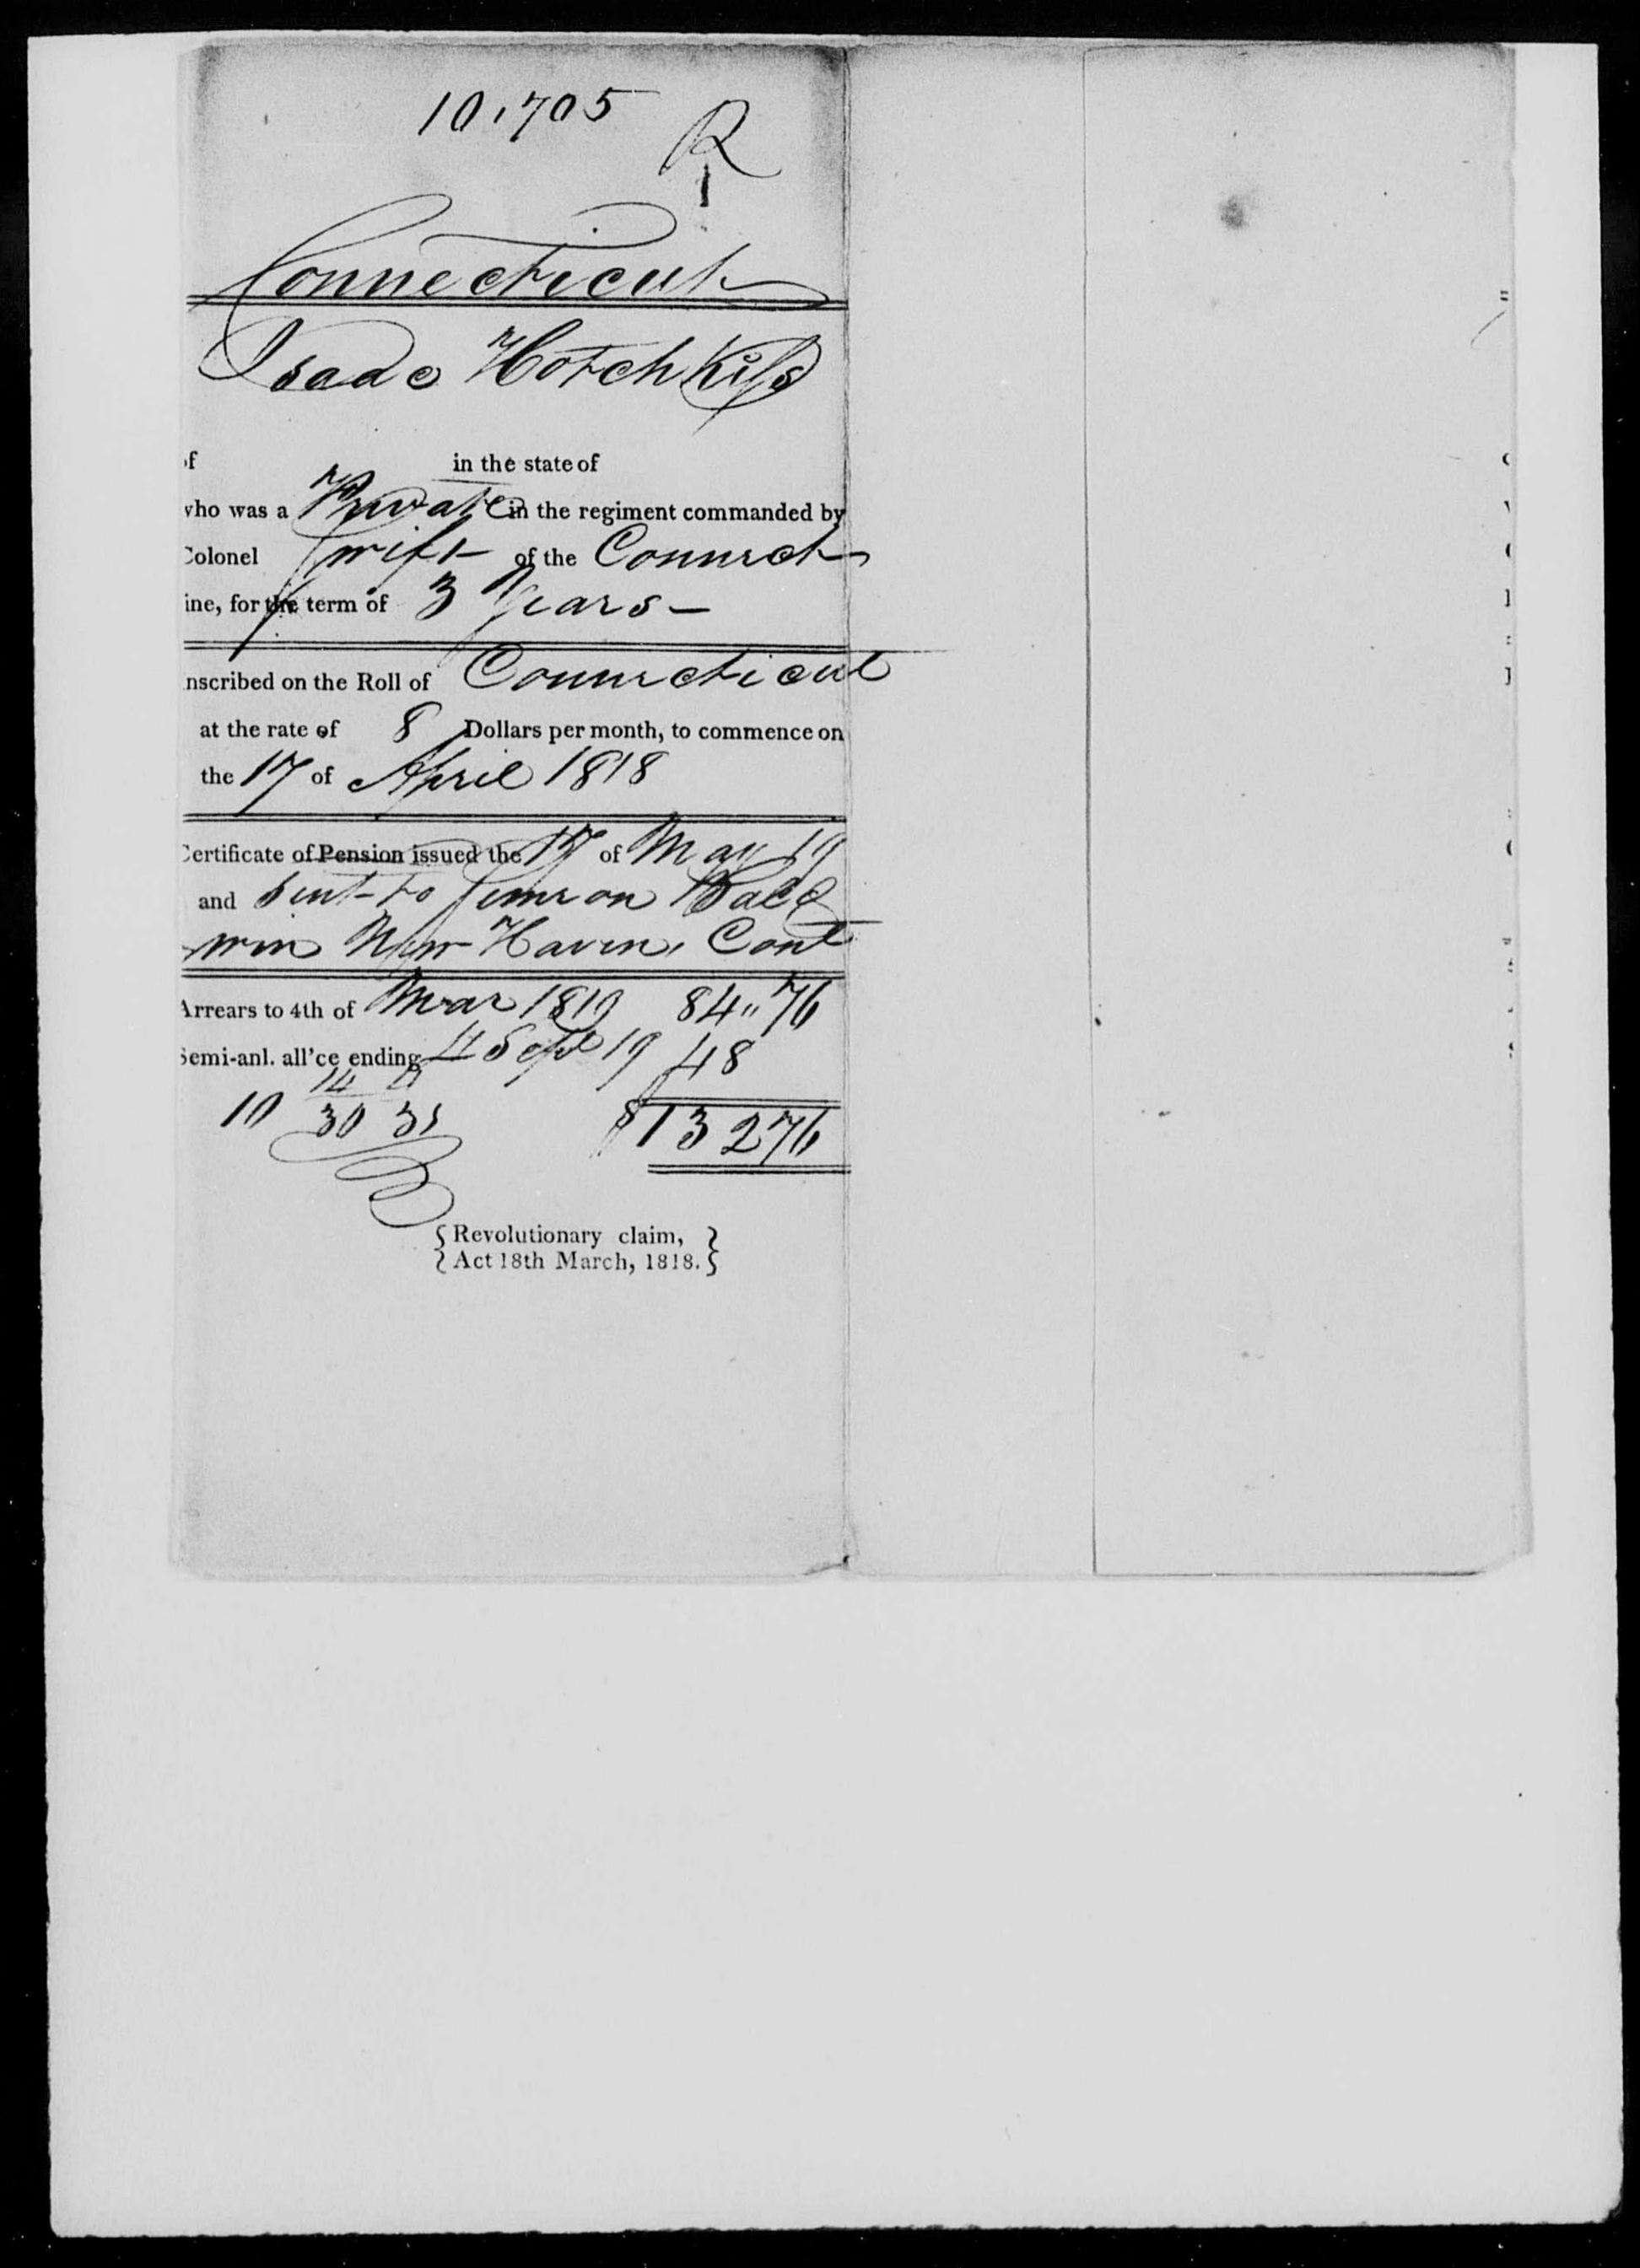10.705  R
Connecticut
Isaac Hotchkiss
of         in the state of   
who was a Private in the regiment commended by Colonel {Illegible} of the Connich
ine, for the term of 3 years---
nscribed on the Roll of Connecticut
at the rate of 8 Dollars per month, to commence on the 17 of April 1818

Certificate of Pension issued the 17 of May 19
and sent to Jimron [Illegible]
mm New Haven Cont
Arrears to the 4th Mar 1819    84"76
Semi-anl. all'ce ending 4 Sept 1948
10  14  15
30 35                       $13276
Revolutionary claim.
Act 18thMarch, 1818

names: Simeon Baldwin, Isaac Hotchkiss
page: 17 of 25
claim: widow's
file: W. 18,021, Isaac Hotchkiss, Conn.